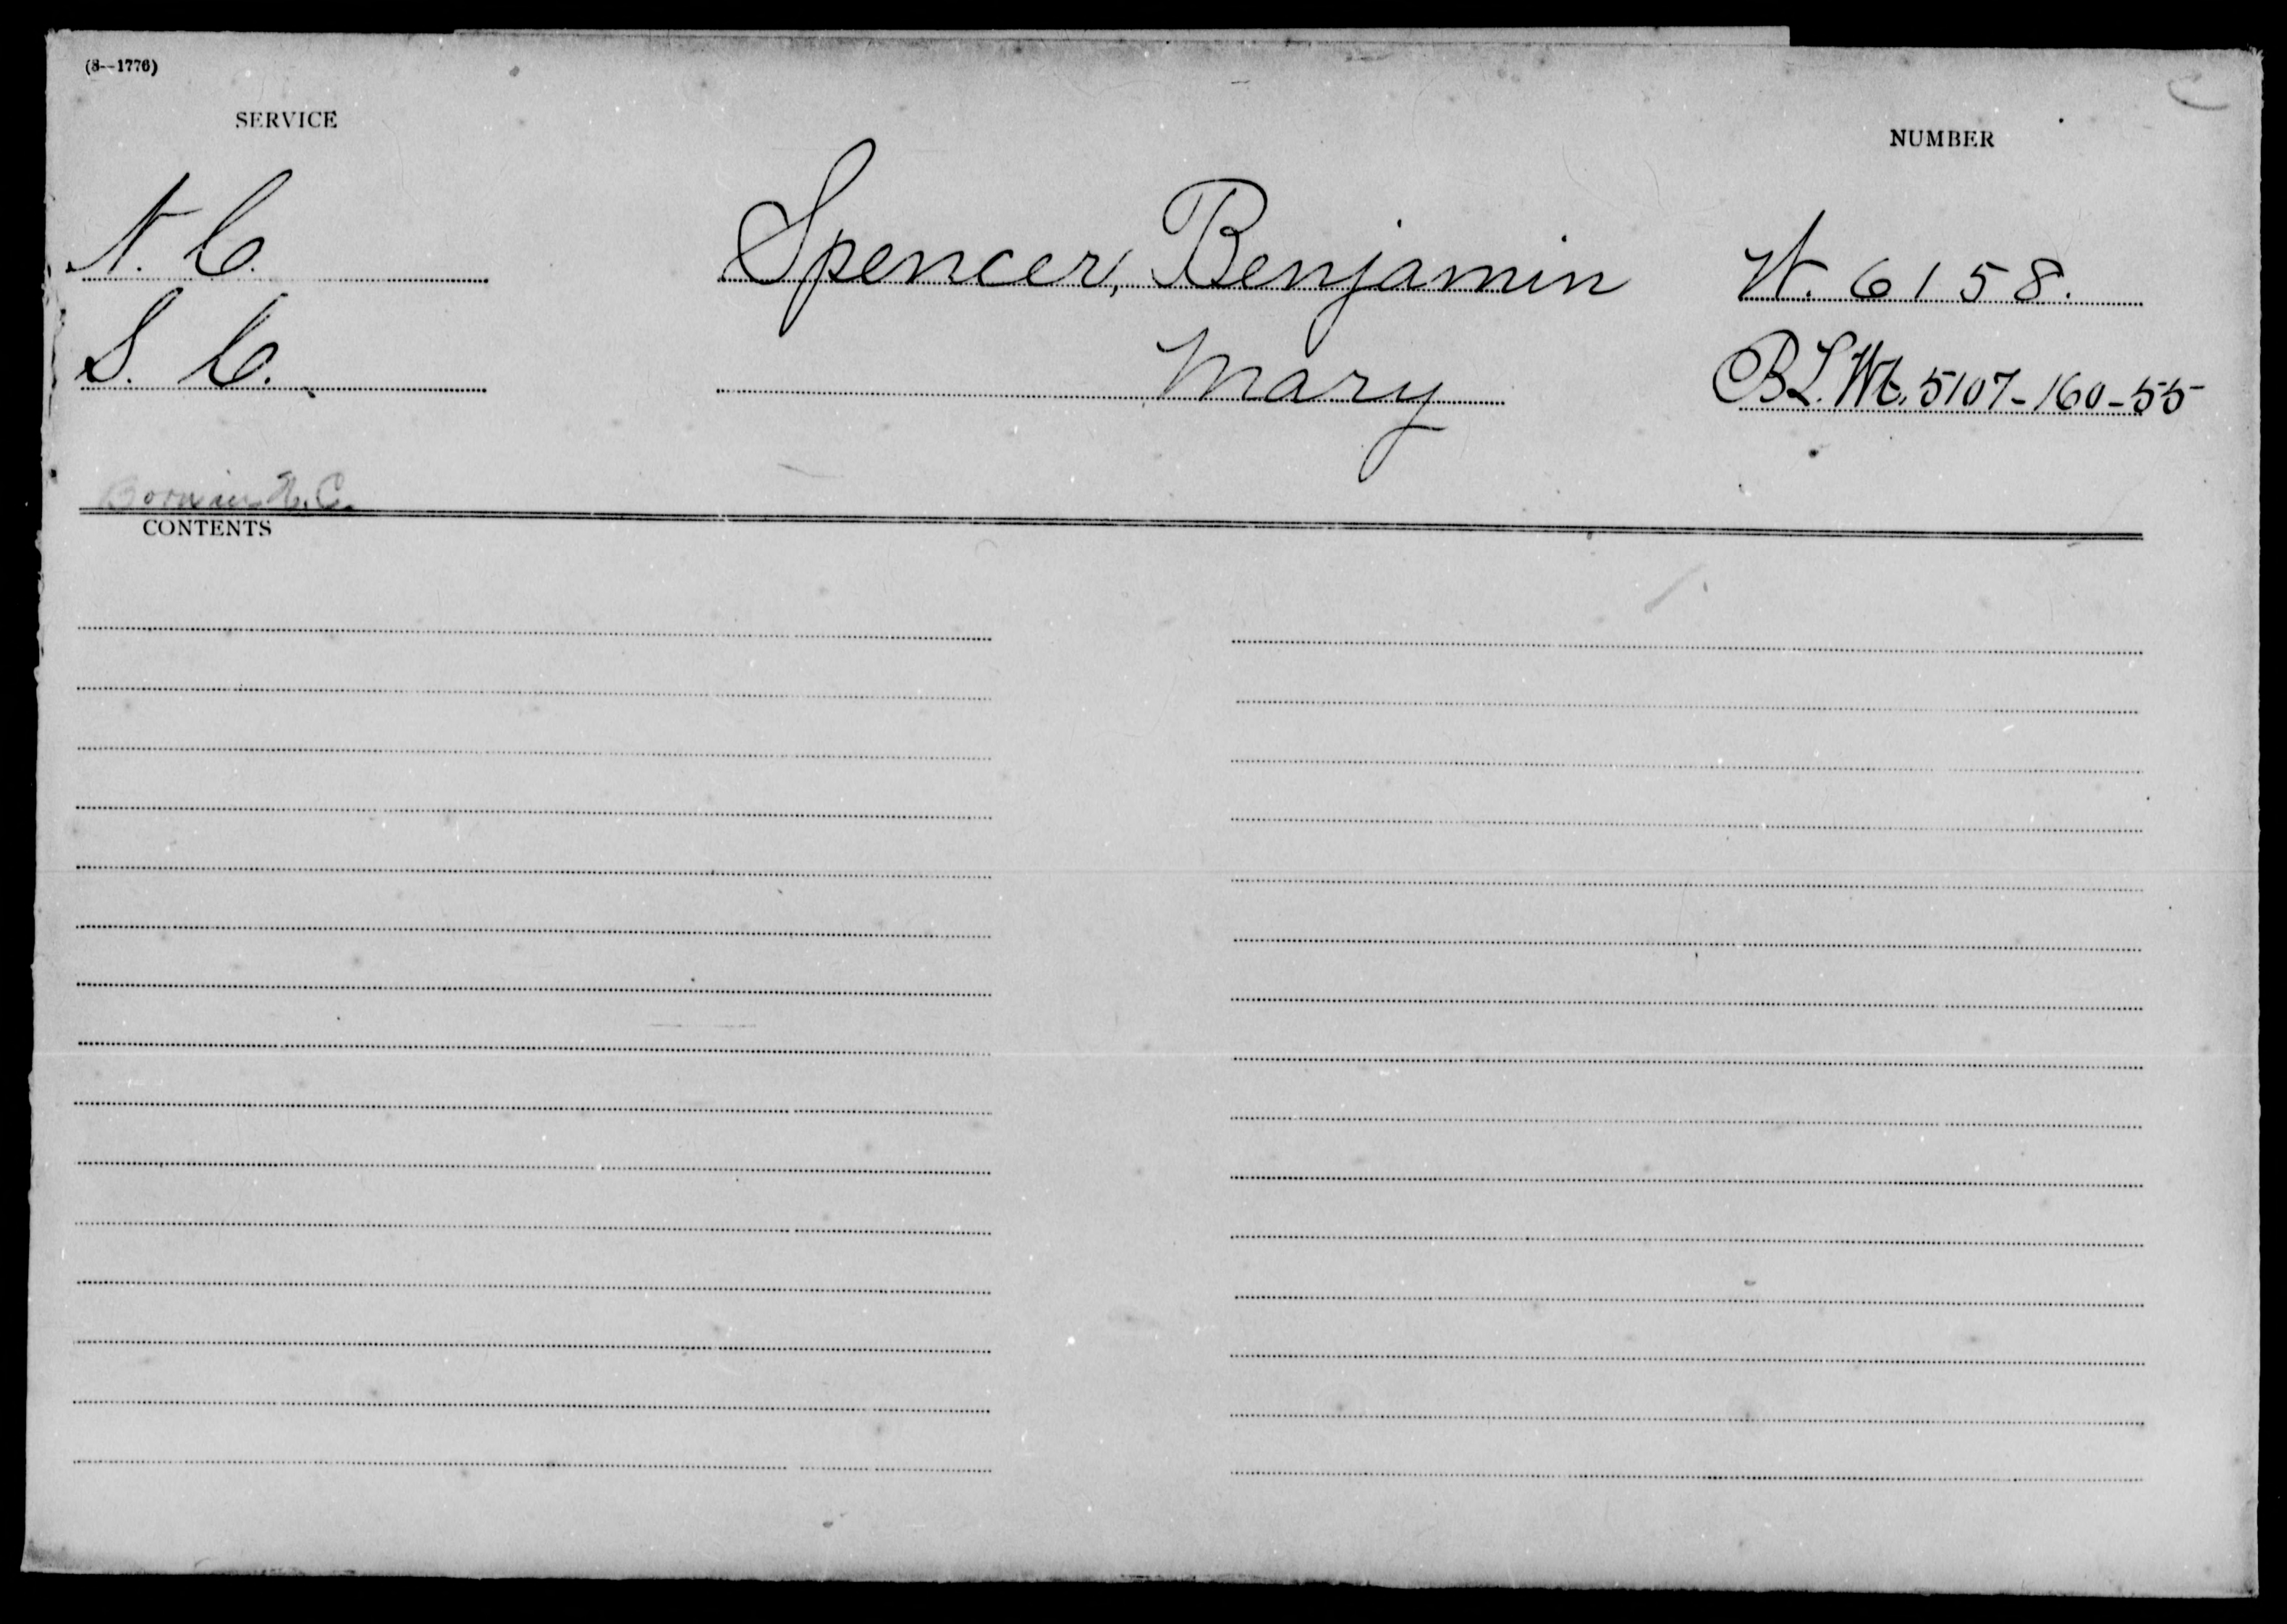(8-1776) 
SERVICE               NUMBER
N. C.       Spencer, Benjamin  W. 6158.
S. C.        Mary              BL. Wt. 5107-160-55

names: [BLANK]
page: 1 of 63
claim: widow's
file: W. 6158, for Benjamin Spencer, North Carolina